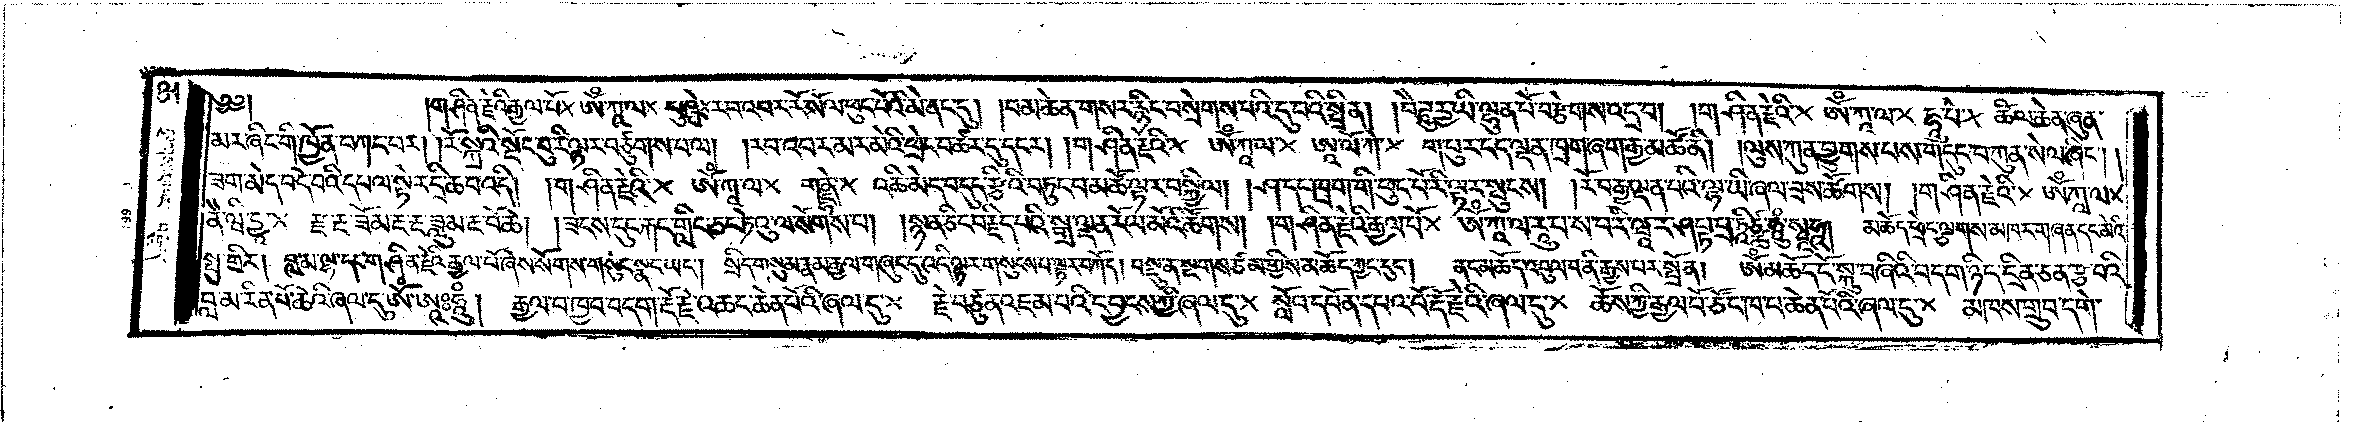༄༅། །གཤིན་རྗེའི་རྒྱལ་པོ་྾་ཨོཾ་ཀཱ་ལ་྾་པུཥྤེ་྾་རབ་འབར་རོ་སོལ་ཕུང་པོའི་མེ་ནང་དུ། །བམ་ཆེན་གསར་རྙིང་བསྲེགས་པའི་དུ་བའི་སྤྲིན། །བཻ་ཌཱུརྱ་ཡི་ལྷུན་པོ་བརྩེགས་འདྲ་བ། །གཤིན་རྗེའི྾་ཨོཾ་ཀཱ་ལ་྾་དྷཱུ་པེ྾་ཚིལ་ཆེན་ཞུན་
མར་ཞིང་གི་ཁྱོན་བཀང་པར། །རོ་སྐྲའི་སྡོང་བུ་རི་ལྟར་བཙུགས་པ་ལ། །རབ་འབར་མར་མེའི་ཕྲེང་བ་ཚར་དུ་དངར། །གཤིན་རྗེའི་྾་ཨོཾ་ཀཱ་ལ་྾་ཨཱ་ལོ་ཀེ་྾་ག་པུར་ངད་ལྡན་ཁྲག་ཞག་རྒྱ་མཚོ་ནི། །ལུས་ཀུན་བྱུགས་པས་གདུང་བ་ཀུན་སེལ་ཞིང།།
ཟག་མེད་བདེ་བའི་དཔལ་སྟེར་དྲི་ཆབ་འདི། །གཤིན་རྗེའི྾་ཨོཾ་ཀཱ་ལ་྾་གནྡྷེ་྾་འཆི་མེད་བདུད་རྩིའི་བཏུང་བ་མཚོ་ལྟར་བསྐྱིལ། །ཤ་དང་ཁྲག་གི་ཕུང་པོ་རི་ལྟར་སྤུངས། །རོ་བརྒྱ་ལྡན་པའི་ལྷ་ཡི་ཞལ་ཟས་ཚོགས། །གཤིན་རྗེའི་྾་ཨོཾ་ཀཱ་ལ་྾་
ནཻ་ཝི་དྱཱ་྾་རྫ་རྔ་ཟོམ་རྔ་རྔ་ཟླུམ་རྔ་བོ་ཆེ། །ཟངས་དུང་རྐང་གླིང་ཅང་ཏེའུ་ལ་སོགས་པ། །སྙན་ཅིང་བརྗིད་པའི་སྒྲ་ལྡན་རོལ་མོའི་ཚོགས། །གཤིན་རྗེའི་རྒྱལ་པོ་྾་ཨོཾ་ཀའ་ལ་རཱུ་པ་ས་བ་རི་ཝཱ་ར་ཤཔྟ་པྲ་ཏཱིཙྪ་ཧཱུཾ་སྭྰྷཱ། མཆོད་ཕྲེང་ལྕགས་མཁར་གཞན་དང་མེའི་
སྤུ་གྲིར། བླ་མ་ལྷ་དང་གཤིན་རྗེའི་རྒྱལ་པོ་ཞེས་སོགས་གསུང་སྣང་ཡང་། སྲིད་གསུམ་རྣམ་རྒྱལ་གཞུང་དུ་འདི་ལྟར་གསུངས་པ་ལྟར་བཀོད། བསྡུན་སྔགས་ཙམ་གྱིས་མཆོད་ཀྱང་རུང་། ནང་མཆོད་འབུལ་བ་ནི་རྒྱས་པར་སྤྲོན། ཨོཾ་མཆོད་དོ་སྐུ་བཞིའི་བདག་ཉིད་དྲིན་ཅན་རྩ་བའི་
བླ་མ་རིན་པོ་ཆེའི་ཞལ་དུ་ཨོཾ་ཨཱཿཧཱུཾ། རྒྱལ་བ་ཁྱབ་བདག་རྡོ་རྗེ་འཆང་ཆེན་པོའི་ཞལ་དུ྾་རྗེ་བཙུན་འཇམ་པའི་དབྱངས་ཀྱི་ཞལ་དུ྾་སློབ་དཔོན་དཔའ་བོ་རྡོ་རྗེའི་ཞལ་དུ྾་ཆོས་ཀྱི་རྒྱལ་པོ་ཙོང་ཁ་པ་ཆེན་པོའི་ཞལ་དུ྾་མཁས་གྲུབ་དགེ་